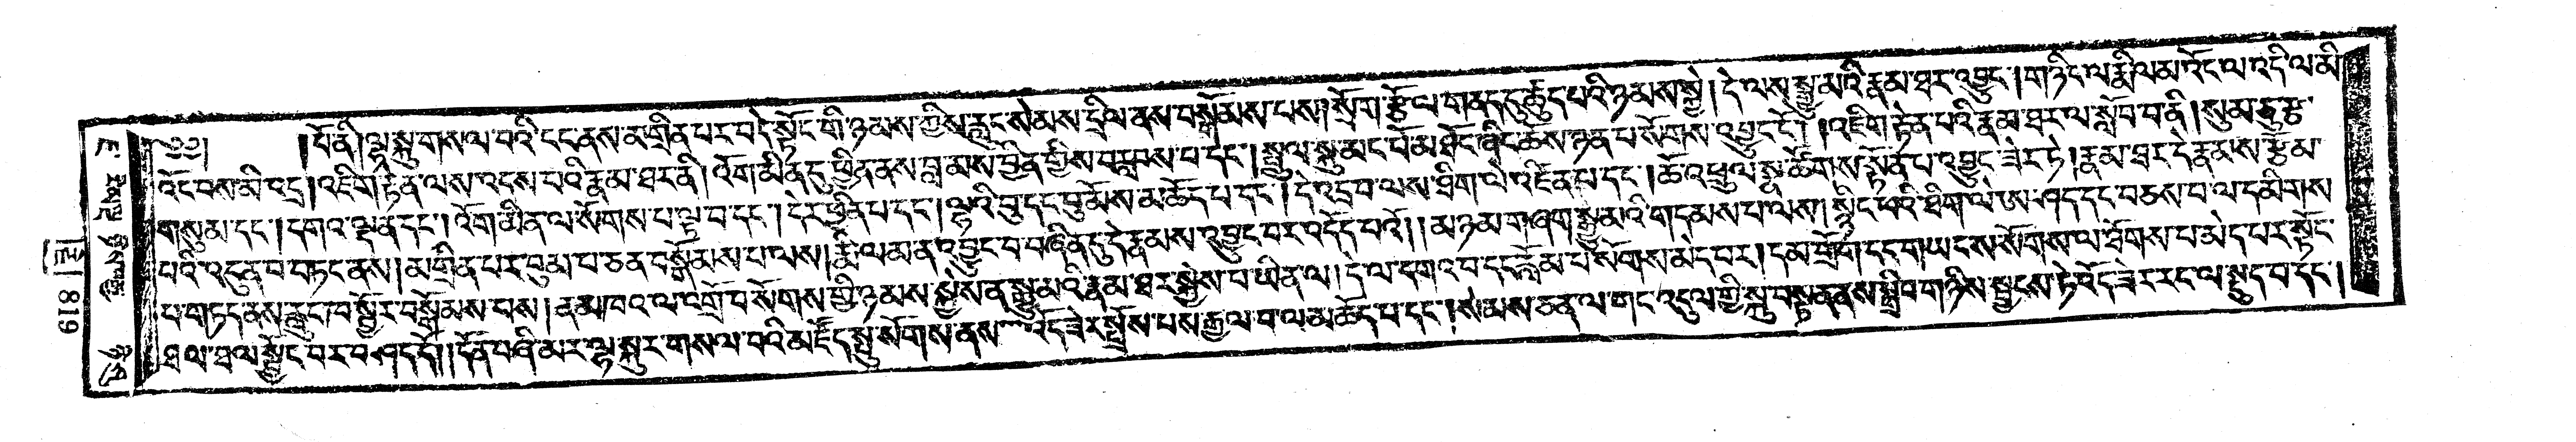༄༅། །པོ་ནི། ལྷ་སྐུ་གསལ་བའི་ངང་ནས་མགྲིན་པར་བདེ་སྟོང་གི་ཉམས་ཀྱིས་རླུང་སེམས་དྲིལ་ནས་བསྒོམས་པས། སྲོག་རྩོལ་གནད་དུ་ཚུད་པའི་ཉམས་སྐྱེ། དེ་ལས་སྒྱུ་མའི་རྣམ་ཐར་འབྱུང་། གཉིད་ལ་རྨི་ལམ་འོང་ལ་འདི་ལ་མི་
འོང་བས་མི་འདྲ། འཇིག་རྟེན་ལས་འདས་པའི་རྣམ་ཐར་ནི། འོག་མིན་དུ་ཕྱིན་ནས་བླ་མས་བྱིན་གྱིས་བརླབས་པ་དང་། སྤྲུལ་སྐུ་མང་པོ་མཐོང་ཞིང་ཆོས་ཉན་པ་སོགས་འབྱུང་ངོ། །འཇིག་རྟེན་པའི་རྣམ་ཐར་ལ་སློབ་པ་ནི། སུམ་ཅུ་རྩ་
གསུམ་དང་། དགའ་ལྡན་དང་། འོག་མིན་ལ་སོགས་པ་ལྟ་བ་དང་། དེར་ཕྱིན་པ་དང་། ལྷའི་བུ་དང་བུ་མོས་མཆོད་པ་དང་། དེ་འདྲ་བ་ལས་ཐིག་ལེ་འཛིན་པ་དང་། ཆོ་འཕྲུལ་སྣ་ཚོགས་སྟོན་པ་འབྱུང་ཟེར་ཏེ། རྣམ་ཐར་དེ་རྣམས་རྩོམ་
པའི་འདུན་པ་བཏང་ནས། མགྲིན་པར་བུམ་པ་ཅན་བསྒོམས་པ་ལས། རྨི་ལམ་ན་འབྱུང་བ་བཞིན་དུ་དེ་རྣམས་འབྱུང་བར་འདོད་པའོ། །མཉམ་གཞག་སྒྱུ་མའི་གདམས་པ་ལས། སྙིང་ཁའི་ཐིག་ལེ་ཨ་ཤད་དང་བཅས་པ་ལ་དམིགས་
པ་གཏད་ནས་རླུང་ཁ་སྦྱོར་བསྒོམས་པས། ནམ་མཁའ་ལ་འགྲོ་བ་སོགས་ཀྱི་ཉམས་སྐྱེས་ན་སྒྱུ་མའི་རྣམ་ཐར་སྐྱེས་པ་ཡིན་ལ། དེ་ལ་དགའ་བ་དང་རློམ་པ་སོགས་མེད་པར། དམ་གྲོག་དང་གཡང་ས་སོགས་ལ་ཐོག་མ་མེ་པ་སྟོང་
ཐལ་ཐལ་སྦྱོང་བར་བཤད་དོ། །དོན་བཞི་མར་ལྷ་སྐུར་གསལ་བའི་མཛོད་སྤུ་སོགས་ནས་འོད་ཟེར་སྤྲོས་པས་རྒྱལ་བ་ལ་མཆོད་པ་དང་། སེམས་ཅན་ལ་གང་འདུལ་གྱི་སྐུ་བསྟན་ནས་སྒྲིབ་གཉིས་སྦྱངས་ཏེ་འོད་ཟེར་རང་ལ་སྡུད་པ་དང་།